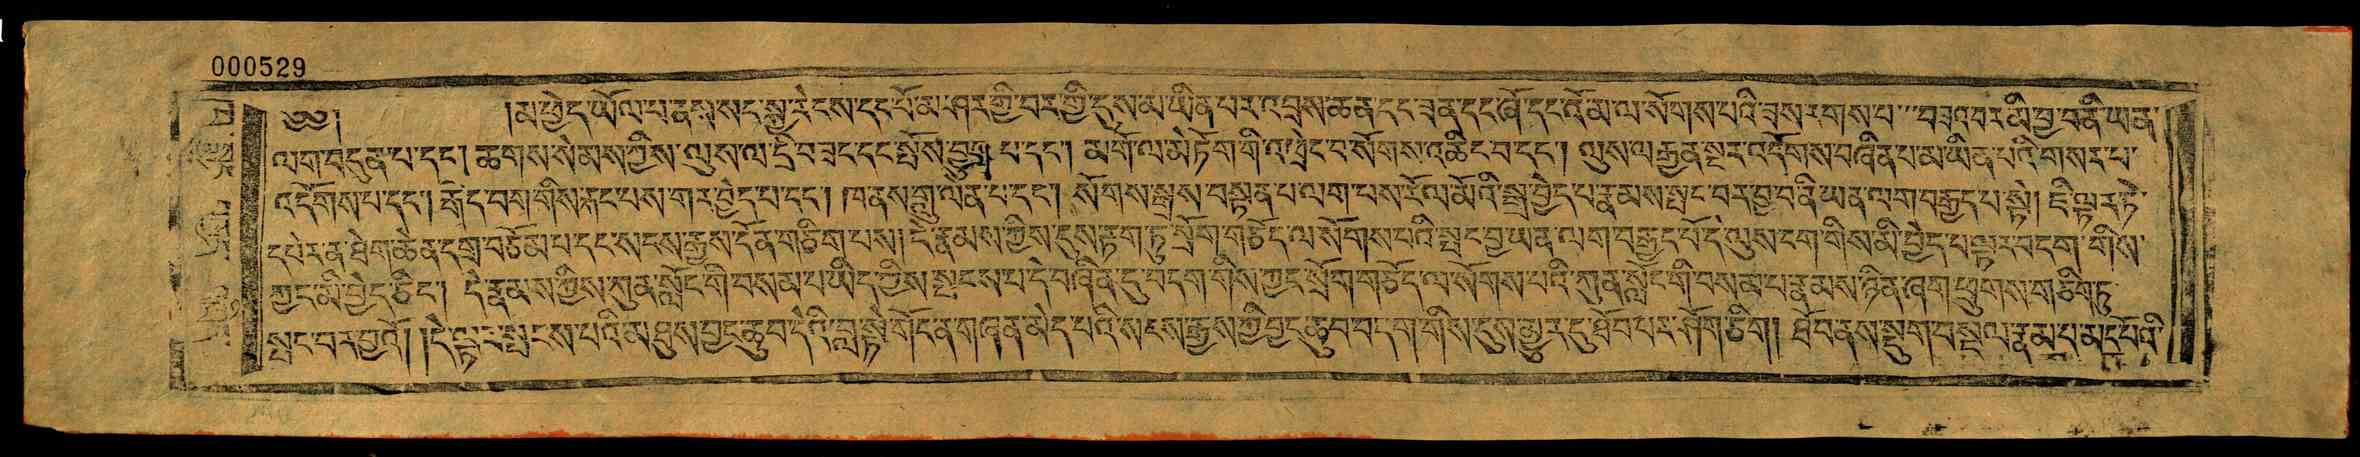༄༅། །མ་ཕྱེད་ཡོལ་བ་ནས་སངས་སྐྱ་རེངས་དང་པོ་མ་ཤར་གྱི་བར་གྱི་དུས་མ་ཡིན་པར་འབྲས་ཆན་དང་ཟན་དང་ཞོ་དང་འོ་མ་ལ་སོགས་པའི་ཟས་རགས་པ་བཟའ་བར་མི་བྱ་བ་ནི་ཡན་
ལག་བདུན་པ་དང་། ཆགས་སེམས་ཀྱིས་ལུས་ལ་དྲི་བཟང་དང་སྤོས་བྱུག་པ་དང་། མགོ་ལ་མེ་ཏོག་གི་འཕྲེང་བ་སོགས་འཆིང་བ་དང་། ལུས་ལ་རྒྱན་སྔར་འདོགས་བཞིན་པ་མ་ཡིན་པའི་གསར་པ་
འདོགས་པ་དང་། རྒོད་བག་གིས་རྐང་པས་གར་བྱེད་པ་དང་། ཁ་ནས་གླུ་ལེན་པ་དང་། སོགས་སྒྲས་བསྟན་པ་ལག་པས་རོལ་མོའི་སྒྲ་བྱེད་པ་རྣམས་སྤང་བར་བྱ་བ་ནི་ཡན་ལག་བརྒྱད་པ་སྟེ། ཇི་ལྟར་ཏེ་
དཔེར་ན་ཐེག་ཆེན་དགྲ་བཅོམ་པ་དང་སངས་རྒྱས་དོན་གཅིག་པས། དེ་རྣམས་ཀྱིས་དུས་རྟག་ཏུ་སྲོག་གཅོད་ལ་སོགས་པའི་སྤང་བྱ་ཡན་ལག་བརྒྱད་པོ་དེ་ལུས་ངག་གིས་མི་བྱེད་པ་ལྟར་བདག་གིས་
ཀྱང་མི་བྱེད་ཅིང་། དེ་རྣམས་ཀྱིས་ཀུན་སློང་གི་བསམ་པ་ཡིད་ཀྱིས་སྤངས་པར་བཞིན་དུ་བདག་གིས་ཀྱང་སོག་གཅོད་ལ་སོགས་པའི་ཀུན་སློང་གི་བསམ་པ་རྣམས་ཉིན་ཞག་ཕྲུགས་གཅིག་ཏུ་
སྤང་པར་བྱའོ། །དེ་ལྟར་སྤངས་པའི་མཐུས་བྱང་ཆུབ་དེའི་བླ་སྟོ་གདན་གཞན་མེད་པའི་སངས་རྒྱས་ཀྱི་བྱང་ཆུབ་བདག་གིས་དུས་མྱུར་དུ་ཐོབ་པར་ཤོག་ཅིག །ཐོབ་ནས་སྡུག་བསྔལ་རྣམ་པ་མང་པོའི་